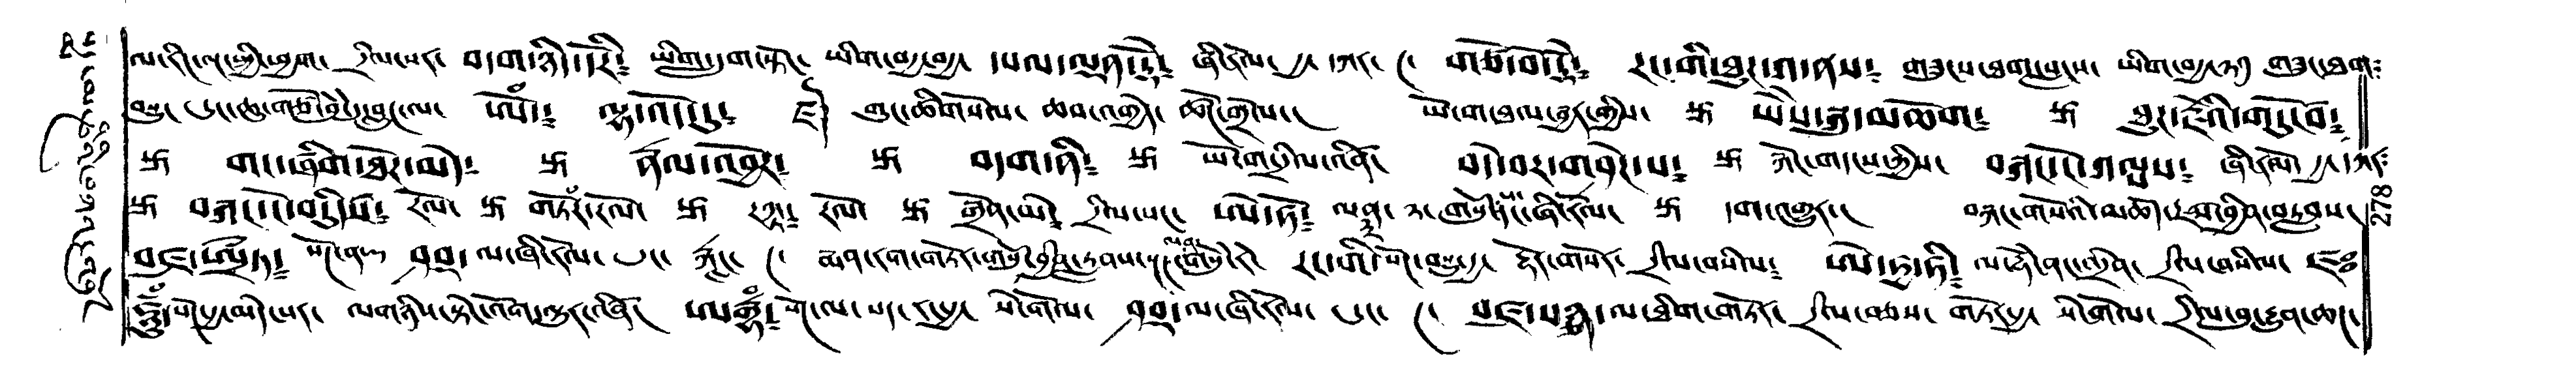ལ་རིགས་ལྔ་སྤྱི་ཕྱག དྲིལ་བསིལ། བདག་ཉིད་འོད་ཟེར་གྱི༴ ཡིག་དྲུག་སྟོང་། ཡིག་བརྒྱ་བརྒྱ། དཔལ་ལྡན་རྡོ་རྗེ༴ ཞི་རོལ།རྒྱ། དཀར། ཌཱ། གཙོ་བོ་རྡོ་རྗེ༴ རང་གི་ཐུགས་ཀ་ནས༴ གཟུངས་ཐག་བླང་། ཡིག་བརྒྱ་ཉེར་གཅིག གཟུངས་ཐག་
བསྡུ། དུང་ཆུ་གཙོ་བུམ་དུ་བླུགས་ལ། ཨོཾ༴ ལྷ་འོད་དུ༴ གུང་ཚིགས་གསོལ། ཆབ་འགྱེད། ཚོགས་གྲོལ། ཡོ་ག་ཐལ་སྦྱར་གྱིས། ཡེ་ཤེས་སྐུ་མཆོག༴ ཐུགས་རྗེའི་གདུང་ཚོབ༴ 
གང་ཞིག་ཐོག་མེད༴ རྣལ་འབྱོར༴ བདག་ནི༴ ཡོ་ག་དྲིལ་འཛིན། བདེ་བར་གཤེགས་པ༴ སྐོང་གདངས་ཀྱིས། བསྐང་ངོ་ཀལྤས༴ ཞི་རོལ། རྒྱ། དཀར། 
བསྐང་ངོ་བདུད་རྩིས༴ རོལ་མོ། གཏོར་མ༴ རོལ་མོ། རཀྟ༴ རོལ་མོ། སྒྲོན་མེ༴ དྲིལ་སང་། ཨེ་ཧོ༴ ལན་གསུམ། གསུམ་པ་དང༴ ཞི་རོལ། དག་འགྱུར། སྐོང་གསོའི་མཆོད་རྫས་བྱིན་རླབས། 
བཛྲ་ཨྲྀཏ༴ སོགས་ནས། ཤབྡ༴ ལ་ཞི་རོལ། དུང་། རྐང་། ཌཱ། སྨན་རཀ་གཏོར་གསུམ་བྱིན་རླབས་སྔགས་ལན་གསུམ་རེ། རང་གི༴ སོགས་བསྡུ་རྒྱ། རྡོར་གསོར། དྲིལ་བསིལ། ཨེ་ཧྱ་ཧི༴ ལ་རྡོ་རྗེ་ནང་འདྲེན། དྲིལ་བསིལ། ཛཿ 
ཧཱུྃ་སོགས་རྒྱ་མེད་པར་ལག་གཉིས་སྟེང་འོག་ལྟ་བུར་འཛིན། ཨརྒྷཾ༴ སོགས་ལ་པད་རང་རྒྱ། སེ་གོལ། ཤབྡ༴ ལ་ཞི་རོལ། དུང་། ཌཱ། བཛྲ་པཉྩ་ལ་ཐིག་གཏོར། དྲིལ་བཅས་གཏོར་རྒྱ། སེ་གོལ། དྲིལ་བུ་རྒྱུན་ཆགས་